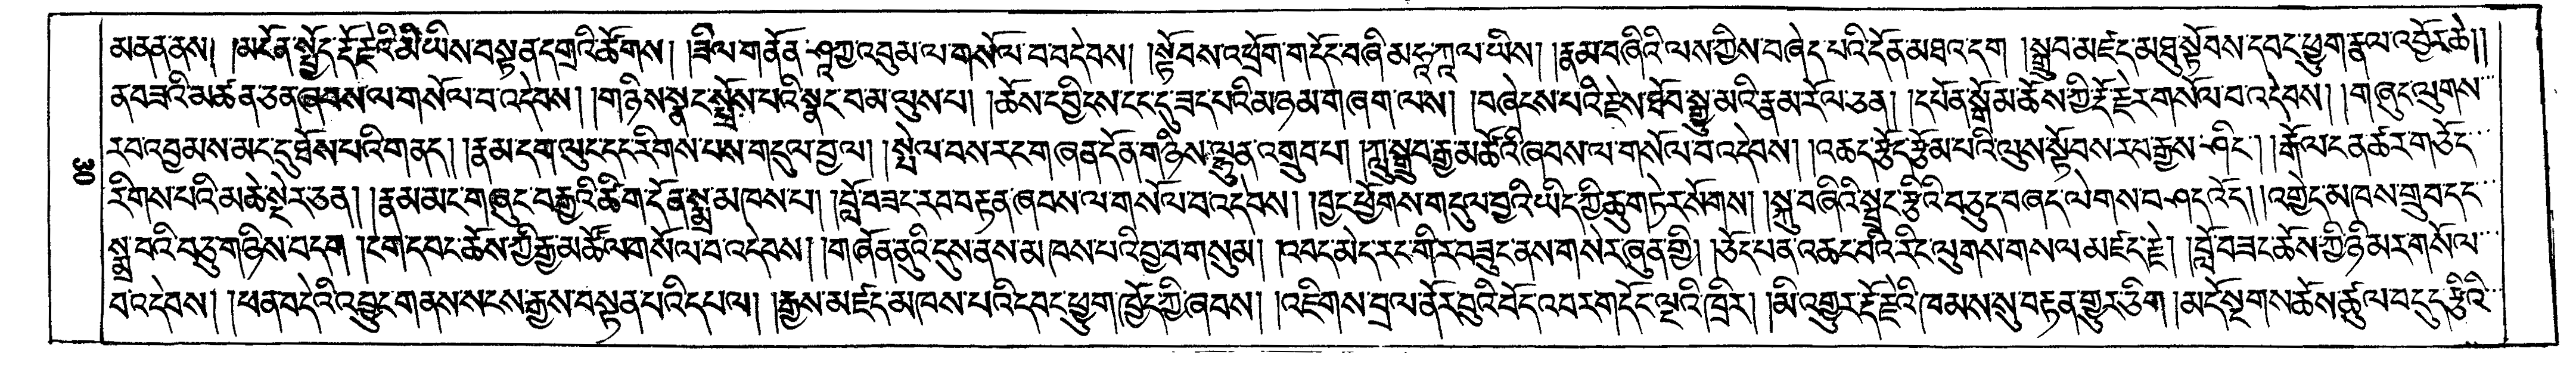མནན་ནས། །མངོན་སྤྱོད་རྡོ་རྗེའི་མེ་ཡིས་བསྟན་དགྲའི་ཚོགས། །ཟིལ་གནོན་ཤཱཀྱ་འབུམ་ལ་གསོལ་བ་འདེབས། །སྟོབས་འཕྲོག་གདོང་བཞི་མཧཱ་ཀཱ་ལ་ཡིས། །རྣམ་བཞིའི་ལས་ཀྱིས་བཞེད་པའི་དོན་མཐའ་དག །སྒྲུབ་མཛད་མཐུ་སྟོབས་དབང་ཕྱུག་རྣལ་འབྱོར་ཆེ།།
ན་བཟའི་མཚན་ཅན་ཞབས་ལ་གསོལ་བ་འདེབས། །གཉིས་སྣང་སྤྲོས་པའི་སྣང་བ་མ་ལུས་པ། །ཆོས་དབྱིངས་ངང་དུ་ཟད་པའི་མཉམ་གཞག་ལས། །བཞེངས་པའི་རྗེས་ཐོབ་སྒྱུ་མའི་རྣམ་རོལ་ཅན། །དཔོན་སྒོམ་ཆོས་ཀྱི་རྡོ་རྗེར་གསོལ་བ་འདེབས། །གཞུང་ལུགས་
རབ་འབྱམས་མང་དུ་ཐོས་པའི་གནད། །རྣམ་དག་ལུང་དང་རིགས་པས་གདུལ་བྱ་ལ། །སྤེལ་བས་རང་གཞན་དོན་གཉིས་ལྷུན་འགྲུབ་པ། །ཀླུ་སྒྲུབ་རྒྱ་མཚོའི་ཞབས་ལ་གསོལ་བ་འདེབས། །འཆད་རྩོད་རྩོམ་པའི་ལུས་སྟོབས་རབ་རྒྱས་ཤིང་། །རྒོལ་ངན་ཚར་གཅོད་
རིགས་པའི་མཆེ་སྡེར་ཅན། །རྣམ་མང་གཞུང་བརྒྱའི་ཚིག་དོན་སྨྲ་མཁས་པ། །བློ་བཟང་རབ་བརྟན་ཞབས་ལ་གསོལ་བ་འདེབས། །བྱང་ཕྱོགས་གདུལ་བྱའི་ཡིད་ཀྱི་ཆུ་གཏེར་ངོགས། །སྐུ་བཞིའི་སྦྲང་རྩིའི་བཅུད་བཞད་ལེགས་བཤད་འོད། །འགྱེད་མཁས་གྲུབ་དང་
སྨྲ་བའི་བཅུ་གཉིས་བདག །ངག་དབང་ཆོས་ཀྱི་རྒྱ་མཚོར་གསོལ་བ་འདེབས། །གཞོན་ནུའི་དུས་ནས་མཁས་པའི་བྱ་བ་གསུམ། །འབད་མེད་རང་གིར་བཟུང་ནས་གསེར་ཞུན་གྱི། །ཅོད་པན་འཆང་བའི་རིང་ལུགས་གསལ་མཛད་རྗེ། །བློ་བཟང་ཆོས་ཀྱི་ཉི་མར་གསོལ་
བ་འདེབས། །ཕན་བདེའི་འབྱུང་གནས་སངས་རྒྱས་བསྟན་པའི་དཔལ། །རྒྱས་མཛད་མཁས་པའི་དབང་ཕྱུག་ཁྱོད་ཀྱི་ཞབས། །འཇིགས་བྲལ་ནོར་བུའི་འོད་འབར་གདོང་ལྔའི་ཁྲིར། །མི་འགྱུར་རྡོ་རྗེའི་ཁམས་སུ་བརྟན་གྱུར་ཅིག །མདོ་སྔགས་ཆོས་ཚུལ་བདུད་རྩིའི་